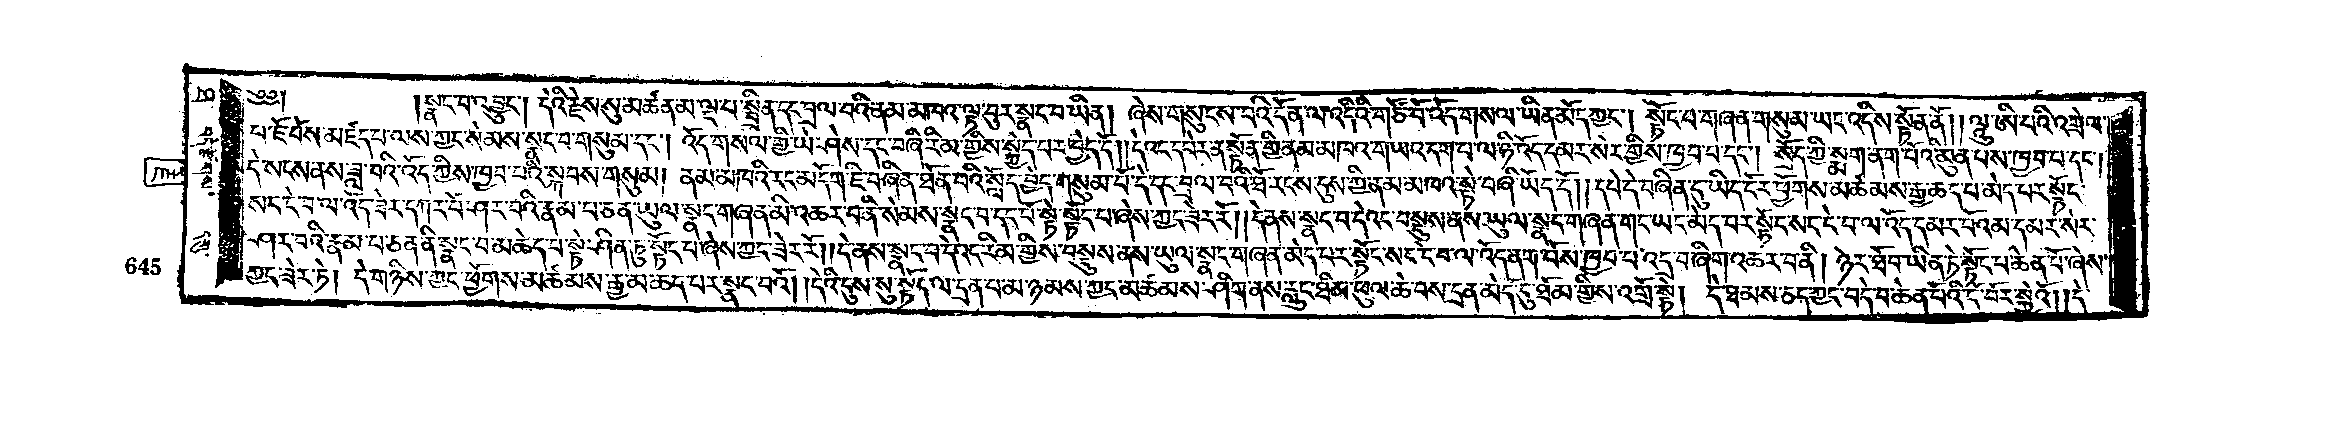༄༅། །སྣང་བ་འབྱུང་། དེའི་རྗེས་སུ་མཚན་མ་ལྔ་པ་སྤྲིན་དང་བྲལ་བའི་ནམ་མཁའ་ལྟ་བུར་སྣང་བ་ཡིན། ཞེས་གསུངས་པའི་དོན་ལ་འདིའི་གཙོ་བོ་འོད་གསལ་ཡིན་མོད་ཀྱང་། སྟེང་པ་གཞན་གསུམ་ཡང་འདིས་སྟོན་ནོ། །ལཱུ་ཨི་པའི་འགྲེལ་
པ་ཇོ་བོས་མཛད་པ་ལས་ཀྱང་སེམས་སྣང་བ་གསུམ་དང་། འོད་གསལ་གྱི་ཡེ་ཤེས་དང་བཞི་རིམ་གྱིས་སྐྱེད་པར་བྱེད་དོ། །དེའང་དཔེར་ན་སྟོན་གྱི་ནམ་མཁའ་གཡའ་དག་པ་ལ་ཉི་འོད་དམར་སེར་གྱིས་ཁྱབ་པ་དང་། སྲོད་ཀྱི་སྨག་ནག་པོའི་མུན་པས་ཁྱབ་པ་དང་།
དེ་སངས་ནས་ཟླ་བའི་འོད་ཀྱིས་ཁྱབ་པའི་སྐབས་གསུམ། ནམ་མཁའི་རང་མདོག་ཇི་བཞིན་ཐོན་པའི་སློད་བྱེད་གསུམ་པོ་དེ་དང་བྲལ་བའི་ཐོ་རངས་དུས་ཀྱི་ནམ་མཁའ་སྟེ་བཞི་ཡོད་དོ། །དཔེ་དེ་བཞིན་དུ་ཡིད་ངོར་ཕྱོགས་མཚམས་རྒྱ་ཆད་པ་མེད་པར་སྟོང་
སང་ངེ་བ་ལ་འོད་ཟེར་དཀར་པོ་ཤར་བའི་རྣམ་པ་ཅན་ཡུལ་སྣང་གཞན་མི་འཆར་བ་ནི་སེམས་སྣང་བ་དང་པོ་སྟེ་སྟོང་པ་ཞེས་ཀྱང་ཟེར་རོ། །དེ་ནས་སྣང་བ་དེའང་བསྡུས་ནས་ཡུལ་སྣང་གཞན་གང་ཡང་མེད་པར་སྟོང་སང་ངེ་བ་ལ་འོད་དམར་པོའམ་དམར་སེར་
ཤར་བའི་རྣམ་པ་ཅན་ནི་སྣང་བ་མཆེད་པ་སྟེ་ཤིན་ཏུ་སྟོང་པ་ཞེས་ཀྱང་ཟེར་རོ། །དེ་ནས་སྣང་བ་དེའང་རིམ་གྱིས་བསྡུས་ནས་ཡུལ་སྣང་གཞན་མེད་པར་སྟོང་སང་ངེ་བ་ལ་འོད་ནག་པོས་ཁྱབ་པ་འདྲ་བ་ཞིག་འཆར་བ་ནི། ཉེར་ཐོབ་ཡིན་ཏེ་སྟོང་པ་ཆེན་པོ་ཞེས་
ཀྱང་ཟེར་ཏེ། དེ་གཉིས་ཀྱང་ཕྱོགས་མཚམས་རྒྱ་མ་ཆད་པར་སྣང་བའོ། །དེའི་དུས་སུ་སྟོད་ལ་དྲན་པ་མ་ཉམས་ཀྱང་མཚམས་ཤིག་ནས་རླུང་ཐིམ་ཕུལ་ཆེ་བས་དྲན་མེད་དུ་ཐོམ་གྱིས་འགྲོ་སྟེ། དེ་ཐམས་ཅད་ཀྱང་བདེ་བ་ཆེན་པོའི་ངོ་བོར་སྐྱེའོ། །དེ་